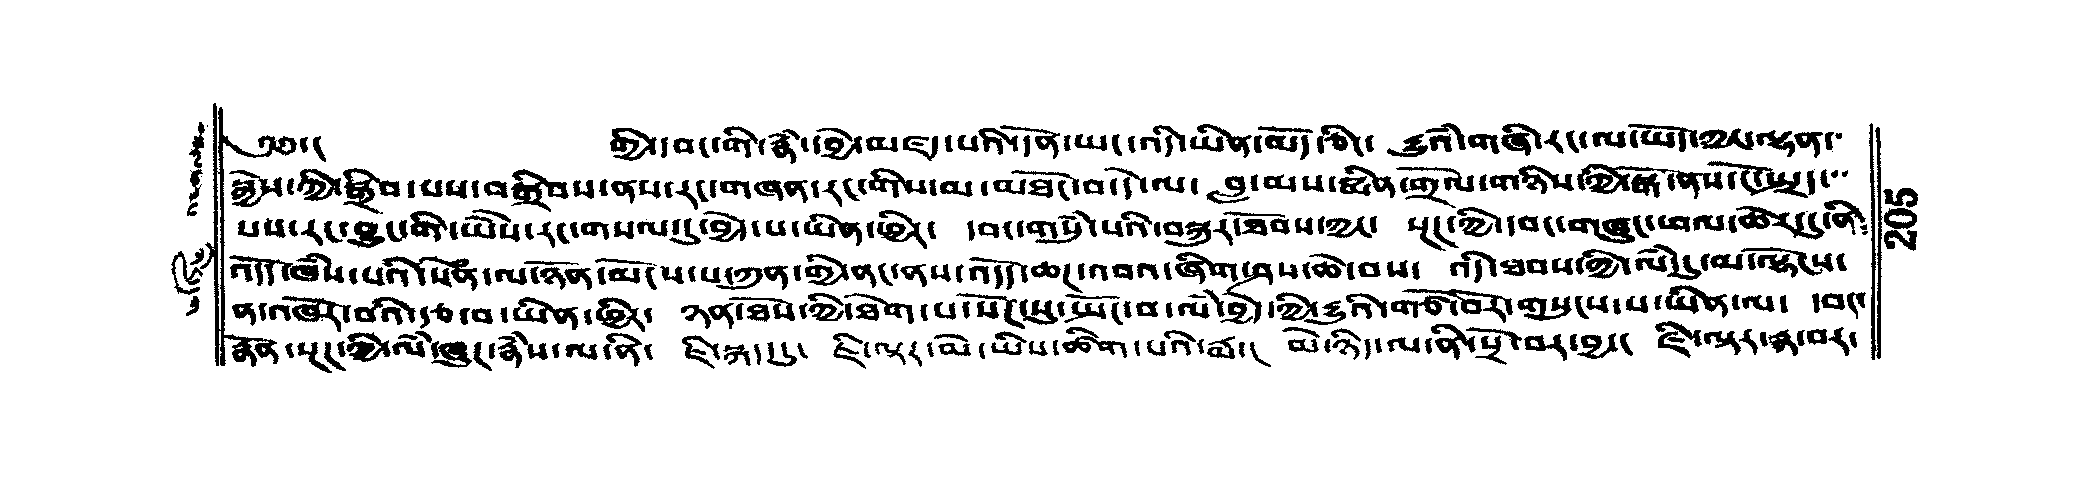གྱི་དབང་གི་རྣམ་དབྱེ་མཛད་པའི་དོན་ཡང་འདི་ཡིན་མོད་ཅིང་། རྒྱུའམ་གཞི་རང་ལ་ཡོད་ཀྱང་ལྷན་
སྐྱེས་ཀྱི་སྒྲིབ་པས་བསྒྲིབས་ནས་རང་ཞལ་རང་གིས་མ་མཐོང་བ་དེ་ལ། བླ་མས་སྨིན་གྲོལ་གཉིས་ཀྱི་སྒོ་ནས་ངོ་སྤྲད་
པས་རང་བྱུང་གི་ཡེ་ཤེས་རང་གསལ་དུ་བྱེད་པ་ཡིན་ཕྱིར།དབང་གསུམ་པའི་བསྐུར་ཐོབ་ཀྱང་། སྔགས་ཀྱི་དབང་གཞུང་ཕལ་ཆེར་དུ་ནི་
འདོད་ཁམས་པའི་སེམས་ཅན་ལ་ཉོན་མོངས་པ་ཀུན་གྱི་ནང་ནས་འདོད་ཆགས་འབའ་ཞིག་ཤས་ཆེ་བས། འདི་ཐབས་ཀྱི་ལམ་དུ་མ་ལྷོངས་
ན་འཁོར་བའི་རྩ་བ་ཡིན་ཕྱིར། ཉན་ཐོས་ཀྱི་ཐེག་པ་སོགས་སུ་སྤོང་བ་ལམ་བྱེད་ཀྱི་རྒྱུའི་གཙོ་བོར་གསུངས་པ་ཡིན་ལ། དབང་
རྣོན་སྔགས་ཀྱི་ལམ་ཞུགས་རྣམས་ལ་ནི། ཇི་སྐད་དུ། ཇི་ལྟར་མེ་ཡིས་ཚིག་པའི་རྨ། །མེ་ཉིད་ལ་ནི་སྲོ་བར་བྱ། །ཇི་ལྟར་རྣ་བར་